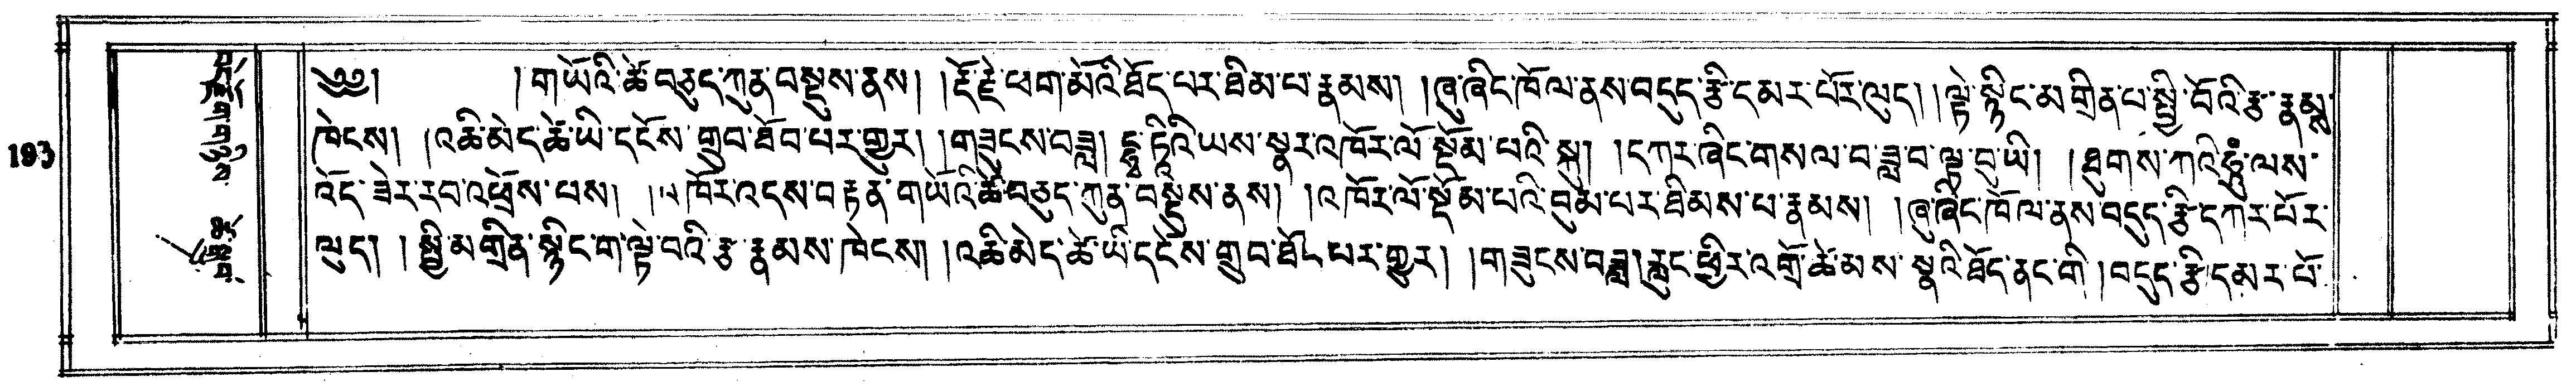༄༅། །གཡོའི་ཚེ་བཅུད་ཀུན་བསྡུས་ནས། །རྡོ་རྗེ་ཕག་མོའི་ཐོད་པར་ཐིམ་པ་རྣམས། །ཞུ་ཞིང་ཁོལ་ནས་བདུད་རྩི་དམར་པོར་ལུད། །ལྟེ་སྙིང་མགྲིན་པ་སྤྱི་བོའི་རྩ་རྣམས་
ཁེངས། །འཆི་མེད་ཚེ་ཡི་དངོས་གྲུབ་ཐོབ་པར་གྱུར། །གཟུངས་བཟླ། དྷྭ་ཏཱིའི་ཡས་སྣར་འཁོར་ལོ་སྡོམ་པའི་སྐུ། །དཀར་ཞིང་གསལ་བ་ཟླ་བ་ལྟ་བུ་ཡི། །ཐུགས་ཀའི་ཧཱུཾ་ལས་
འོད་ཟེར་རབ་འཕྲོས་པས། །འཁོར་འདས་བརྟན་གཡོའི་ཚེ་བཅུད་ཀུན་བསྡུས་ནས། །འཁོར་ལོ་སྡོམ་པའི་བུམ་པར་ཐིམས་པ་རྣམས། །ཞུ་ཞིང་ཁོལ་ནས་བདུད་རྩི་དཀར་པོར་
ལུད། །སྤྱི་མགྲིན་སྙིང་ག་ལྟེ་བའི་རྩ་རྣམས་ཁེངས། །འཆི་མེད་ཚེ་ཡི་དངོས་གྲུབ་ཐོབ་པར་གྱུར། །གཟུངས་བཟླ། རླུང་ཕྱིར་འགྲོ་ཚེ་མས་སྣའི་ཐོད་ནང་གི །བདུད་རྩི་དམར་པོ་